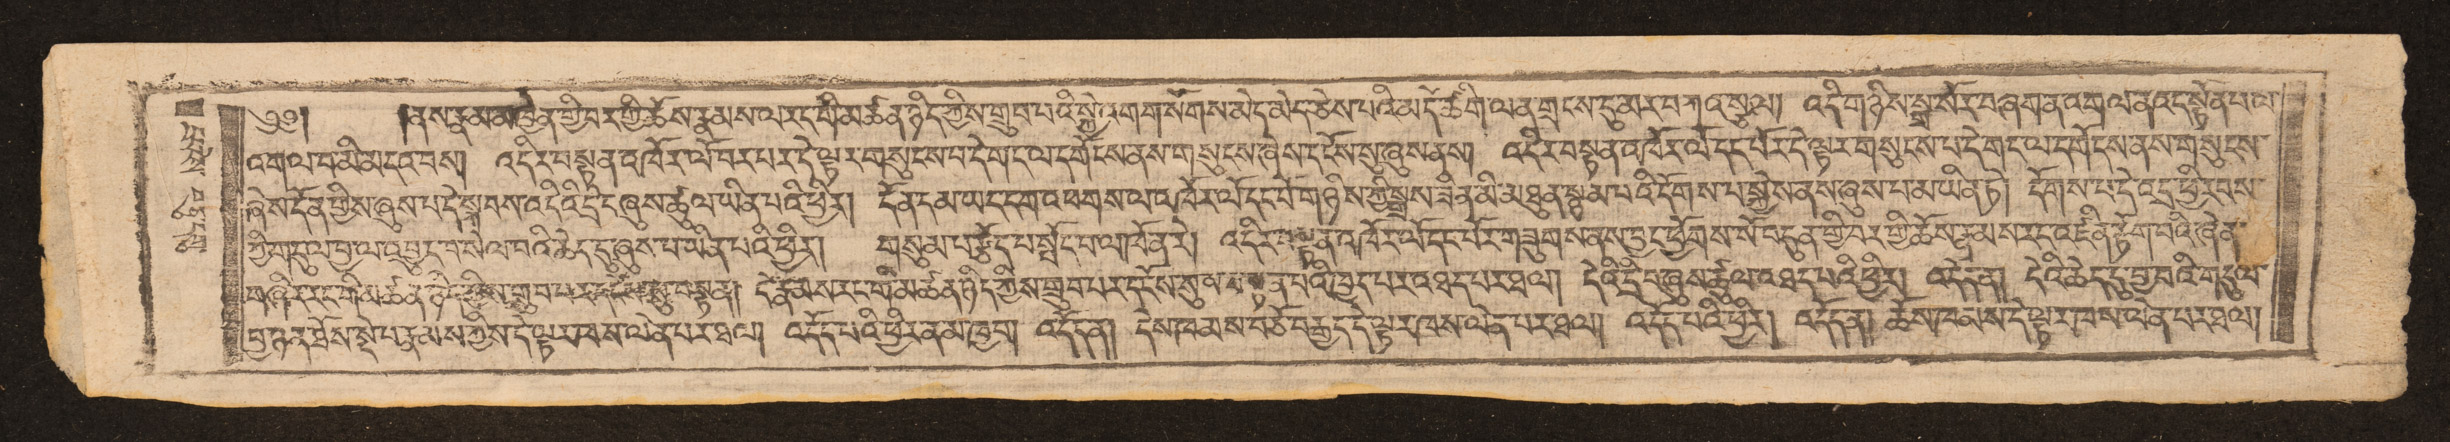༄༅། །ནས་རྣམ་མཁྱེན་གྱི་བར་གྱི་ཆོས་རྣམས་ལ་རང་གི་མཚན་ཉིད་ཀྱིས་གྲུབ་པའི་སྐྱེ་འགག་སོགས་མེད་མེད་ཅེས་པའི་མདོ་ཚིག་ལན་གྲངས་དུ་མར་བཀའ་སྩལ། འདི་གཉིས་སྒྲ་སོར་བཞག་ན་འགལ་ནའང་སྟོན་པ་ལ་
འགལ་བ་མི་མདའ་བས། འདིར་བསྟན་འཁོར་ལོ་བར་བར་དེ་ལྟར་གསུངས་པ་དེ་གང་ལ་དགོངས་ནས་གསུངས་ཞེས་དངོས་སུ་ཞུས་ནས། འདིར་བསྟན་འཁོར་ལོ་དང་པོར་དེ་ལྟར་གསུངས་པ་དེ་གང་ལ་དགོངས་ནས་གསུངས་
ཞེས་དོན་གྱིས་ཞུས་པ་དེ་སྐབས་འདིའི་དྲི་བ་ཞུས་ཚུལ་ཡིན་པའི་ཕྱིར། དོན་དམ་ཡང་དག་འཕགས་ལ་འཁོར་ལོ་དང་པོ་གཉིས་ཀྱི་སྒྲས་ཟིན་མི་མཐུན་སྙམ་པའི་དོགས་པ་སྐྱེས་ནས་ཞུས་པ་མ་ཡིན་ཏེ། དོགས་པ་དེ་འདྲ་ཕྱི་རབས་
ཀྱི་གདུལ་བྱ་ལ་འབྱུང་བསེལ་བའི་ཆེད་དུ་ཞུས་པ་ཡིན་པའི་ཕྱིར། གསུམ་པ་རྩོད་པ་སྤོང་བ་ལ་ཁོ་ན་རེ། འདིར་བསྟན་འཁོར་ལོ་དང་པོར་གཟུགས་ནས་བྱང་ཕྱོགས་སོ་བདུན་གྱི་བར་གྱི་ཆོས་རྣམས་རང་འཛིན་རྟོག་པའི་ཞེན་
གཞིར་རང་གི་མཚན་ཉིད་ཀྱིས་གྲུབ་པར་དངོས་སུ་བསྟན། དེ་རྣམས་རང་གི་མཚན་ཉིད་ཀྱིས་གྲུབ་པར་དངོས་སུ་མ་བསྟན་པའི་ཁྱད་པར་འཐད་པར་ཐལ། དེའི་དྲི་བ་ཞུས་ཚུལ་འཐད་པའི་ཕྱིར། འདོད་ན། དེའི་ཆེད་དུ་བྱ་བའི་གདུལ་
བྱ་ཉན་ཐོས་སྡེ་པ་རྣམས་ཀྱིས་དེ་ལྟར་ཁས་ལེན་པར་ཐལ། འདོད་པའི་ཕྱིར་ན་མ་ཁྱབ། འདོད་ན། དེས་ཁམས་བཅོ་བརྒྱད་དེ་ལྟར་ཁས་ལེན་པར་ཐལ། འདོད་པའི་ཕྱིར། འདོད་ན། ཆོས་ཁམས་དེ་ལྟར་ཁས་ལེན་པར་ཐལ།